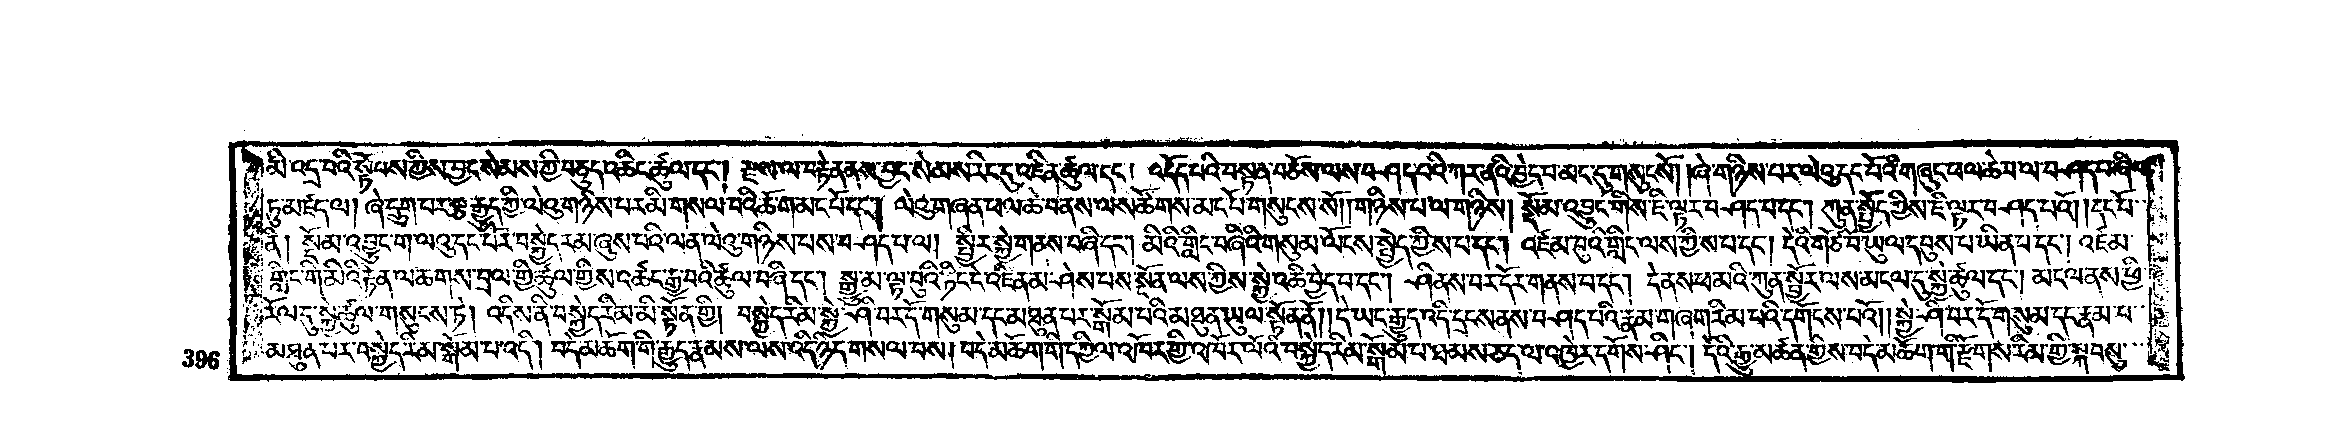མི་འདྲ་བའི་སྟོབས་ཀྱིས་བྱང་སེམས་ཀྱི་བཅུད་འཆིང་ཚུལ་དང་། རྫས་ལ་བརྟེན་ནས་བྱང་སེམས་རིང་དུ་འཛིན་ཚུལ་དང་། འདོད་པའི་བསྟན་བཅོས་ལས་བཤད་པའི་ཀ་ར་ནའི་བྱེད་པ་མང་དུ་གསུངས་སོ། །ཞེ་གཉིས་པར་ལེའུ་དང་པོའི་གཞུང་པལ་ཆེ་བ་ལ་བཤད་པ་ཞིབ་
ཏུ་མཛད་ལ། ཞེ་དྲུག་པར་རྩ་རྒྱུད་ཀྱི་ལེའུ་གཉིས་པར་མི་གསལ་བའི་ཆེ་ག་མང་པོ་དང་། ལེའུ་གཞན་ཕལ་ཆེ་བ་ནས་ལས་ཚོགས་མང་པོ་གསུངས་སོ། །གཉིས་པ་ལ་གཉིས། སྡོམ་འབྱུང་གིས་ཇི་ལྟར་བཤད་པ་དང་། ཀུན་སྤྱོད་ཀྱིས་ཇི་ལྟར་བཤད་པའོ། །དང་པོ་
ནི། སྡོམ་འབྱུང་གི་ལེའུ་དང་པོར་བསྐྱེད་རིམ་ཞུས་པའི་ལན་ལེའུ་གཉིས་པས་བཤད་པ་ལ། སྤྱིར་སྐྱེ་གནས་བཞི་དང་། མིའི་གླིང་བཞིའི་གསུམ་ལོངས་སྤྱོད་ཀྱི་ས་པ་དང་། འཛམ་བུའི་གླིང་ལས་ཀྱི་ས་པ་དང་། དེའི་གཙོ་བོ་ཡུལ་དབུས་པ་ཡིན་པ་དང་། འཛམ་
གླིང་གི་མིའི་རྟེན་ལ་ཆགས་བྲལ་གྱི་ཚུལ་གྱིས་འཚང་རྒྱ་བའི་ཚུལ་བཞི་དང་། སྒྱུ་མ་ལྟ་བུའི་ཏིང་ངེ་འཛིན་མ་ཤེས་པས་སྔོན་ལས་ཀྱིས་སྐྱེ་འཆི་བྱེད་པ་དང་། ཤི་ནས་བར་དོར་གནས་པ་དང་། དེ་ནས་ཕ་མའི་ཀུན་སྦྱོར་ལས་མངལ་དུ་སྐྱེ་ཚུལ་དང་། མངལ་ནས་ཕྱི་
རོལ་དུ་སྐྱེ་ཚུལ་གསུངས་ཏེ། འདིས་ནི་བསྐྱེད་རིམ་མི་སྟོན་གྱི། བསྐྱེད་རིམ་སྐྱེ་ཤི་བར་དོ་གསུམ་དང་མཐུན་པར་སྒོམ་པའི་མཐུན་ཡུལ་སྟོན་ནོ། །དེ་ཡང་རྒྱུད་འདི་དྲངས་ནས་བཤད་པའི་རྣམ་གཞག་རིམ་པའི་དགོངས་པའོ། །སྐྱེ་ཤི་བར་དོ་གསུམ་དང་རྣམ་པ་
མཐུན་པར་བསྐྱེད་རིམ་སྒོམ་པ་འདི། བདེ་མཆོག་གི་རྒྱུད་རྣམས་ལས་འདི་ཉིད་གསལ་བས། བདེ་མཆོག་གི་དཀྱིལ་འཁོར་གྱི་འཁོར་ལོའི་བསྐྱེད་རིམ་སྒོམ་པ་ཐམས་ཅད་ལ་འཁྱེར་དགོས་ཤིང་། དེའི་རྒྱུ་མཚན་གྱིས་བདེ་མཆོག་གི་རྫོགས་རིམ་གྱི་སྐབས་སུ་